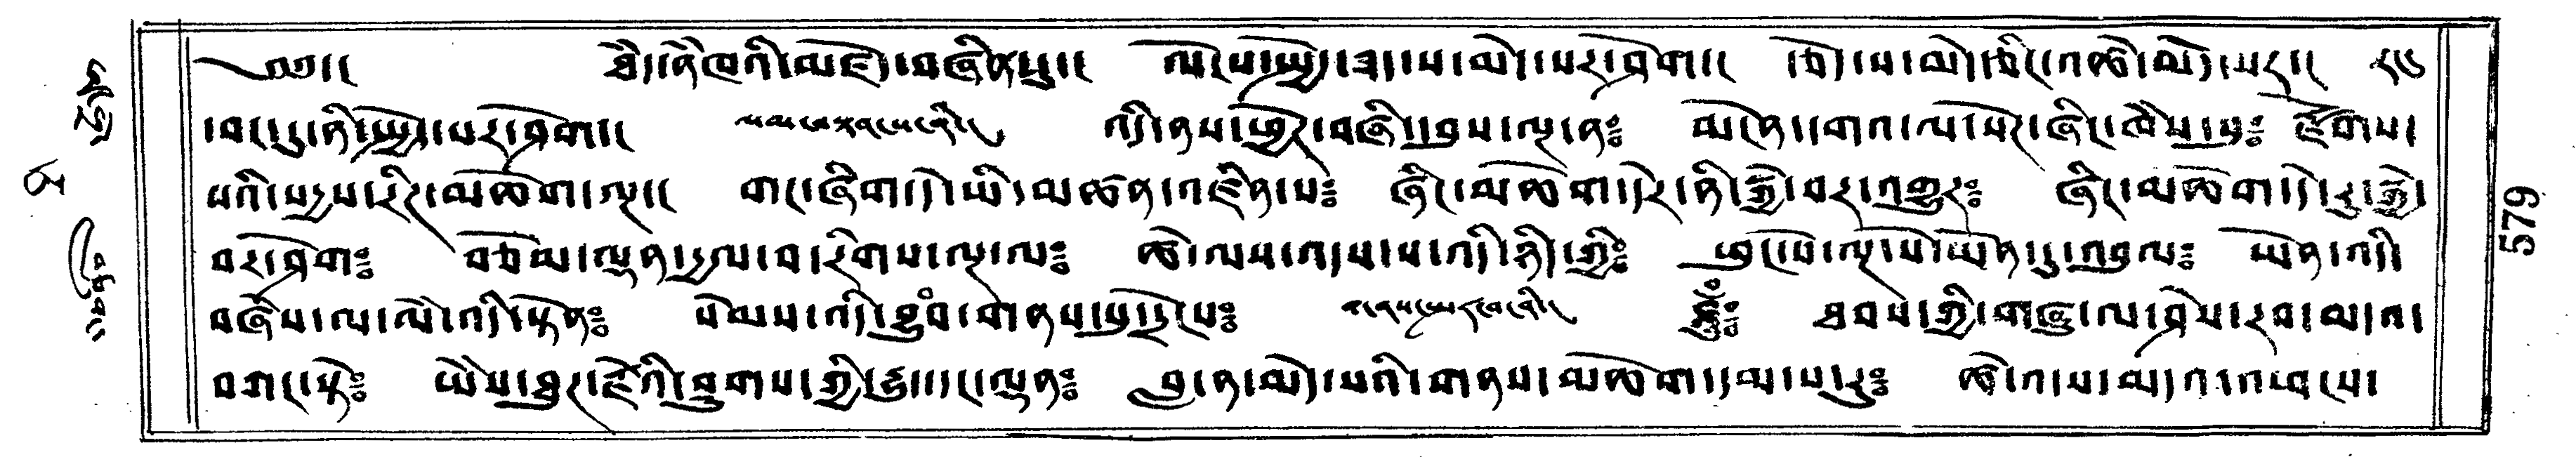ཐམས་ཅད་ནམ་མཁའི་མཛོད་བཞིན་དུ། །ལོངས་སྤྱོད་ཟད་པ་མེད་པར་ཤོག །རྩོད་པ་མེད་ཅིང་འཚེ་མེད་པར། །རང་
དབང་དུ་ནི་སྤྱོད་པར་ཤོག ལམ་བསྟན་པ་ནི། འདི་ནས་ཕྱོགས་བཞི་དབུས་ལྔ་ན༔ མངོན་དགའ་ལ་སོགས་ཞིང་ཁམས་སུ༔ རྫོགས་
པའི་སངས་རྒྱས་རིགས་མཆོག་ལྔ༔ གང་ཞིག་དེ་ཡི་མཚན་འཛིན་པ༔ ཞིང་མཆོག་དེར་ནི་སྐྱེ་བར་འགྱུར༔ ཞིང་མཆོག་དེ་རུ་སྐྱེ་
བར་ཤོག༔ བཅོམ་ལྡན་རྒྱལ་བ་རིགས་ལྔ་ལ༔ ཚེ་ལས་འདས་པ་འདི་ཉིད་ཀྱི༔ ཕུང་པོ་ལྔ་པོ་ཡོན་དུ་འབུལ༔ ཡོན་འདི་
བཞེས་ལ་ལམ་འདི་སྟོན༔ སེམས་འདི་བྱང་ཆུབ་གནས་སུ་དྲོངས༔ གནས་སྤར་བ་ནི། ཧཱུྃ༔ ཐབས་ཀྱི་གཞུ་ལ་ཤེས་རབ་མདའ་
བཀང་སྟེ༔ ཡེ་ཤེས་ཐུགས་རྗེའི་ཤུགས་ཀྱི་རྒྱུད་དང་ལྡན༔ བླ་ན་མེད་པའི་གནས་མཆོག་དམ་པར་རུ༔ ཚེ་འདས་མདའ་འཕངས་